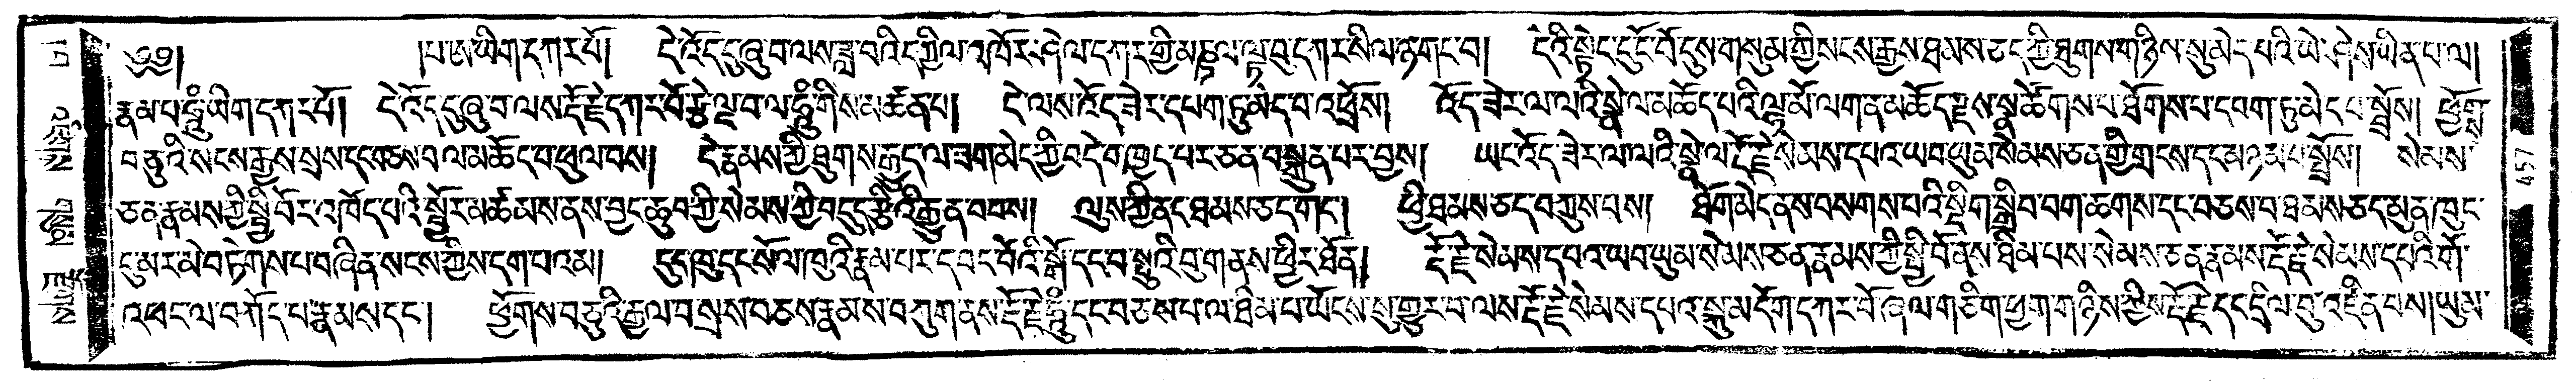༄༅། །པ་ཨ་ཡིག་དཀར་པོ། དེ་འོད་དུ་ཞུ་བ་ལས་ཟླ་བའི་དཀྱིལ་འཁོར་ཤེལ་དཀར་གྱི་མཎྜལ་ལྟ་བུ་དཀར་སིལ་ཉ་གང་བ། དེའི་སྟེང་དུ་ངོ་བོ་དུས་གསུམ་གྱི་སངས་རྒྱས་ཐམས་ཅད་ཀྱི་ཐུགས་གཉིས་སུ་མེད་པའི་ཡེ་ཤེས་ཡིན་པ་ལ།
རྣམ་པ་ཧཱུཾ་ཡིག་དཀར་པོ། དེ་འོད་དུ་ཞུ་བ་ལས་རྡོ་རྗེ་དཀར་པོ་རྩེ་ལྔ་པ་ལ་ཧཱུཾ་གིས་མཚན་པ། དེ་ལས་འོད་ཟེར་དཔག་ཏུ་མེད་པ་འཕྲོས། འོད་ཟེར་ལ་ལའི་སྣེ་ལ་མཆོད་པའི་ལྷ་མོ་ལག་ན་མཆོད་རྫས་སྣ་ཚོགས་པ་ཐོགས་པ་དཔག་ཏུ་མེད་པ་སྤྲོས། ཕྱོགས་
བཅུའི་སངས་རྒྱས་སྲས་དང་བཅས་པ་ལ་མཆོད་པ་ཕུལ་བས། དེ་རྣམས་ཀྱི་ཐུགས་རྒྱུད་ལ་ཟག་མེད་ཀྱི་བདེ་བ་ཁྱད་པར་ཅན་བསྐྲུན་པར་བྱས། ཡང་འོད་ཟེར་ལ་ལའི་སྣེ་ལ་རྡོ་རྗེ་སེམས་དཔའ་ཡབ་ཡུམ་སེམས་ཅན་གྱི་གྲངས་དང་མཉམ་པ་སྤྲོས། སེམས་
ཅན་རྣམས་ཀྱི་སྤྱི་བོར་འཁོད་པའི་སྦྱོར་མཚམས་ནས་བྱང་ཆུབ་ཀྱི་སེམས་ཀྱི་བདུད་རྩིའི་རྒྱུན་བབས། ལུས་ཀྱི་ནང་ཐམས་ཅད་གང་། ཕྱི་ཐམས་ཅད་བཀྲུས་པས། ཐོག་མེད་ནས་བསགས་པའི་སྡིག་སྒྲིབ་བག་ཆགས་དང་བཅས་པ་ཐམས་ཅད་མུན་ཁུང་
དུ་མར་མེ་བཏེགས་པ་བཞིན་སངས་ཀྱིས་དག་པའམ། དུང་ཁུ་དང་སོལ་ཁུའི་རྣམ་པར་དབང་པོའི་སྒོ་དང་བ་སྤུའི་བུ་གནས་ཕྱིར་ཐོན། རྡོ་རྗེ་སེམས་དཔའ་ཡབ་ཡུམ་སེམས་ཅན་རྣམས་ཀྱི་སྤྱི་བོ་ནས་ཐིམ་པས་སེམས་ཅན་རྣམས་རྡོ་རྗེ་སེམས་དཔའི་གོ་
འཕང་ལ་བཀོད་པ་རྣམས་དང་། ཕྱོགས་བཅུའི་རྒྱལ་བ་སྲས་བཅས་རྣམས་བཀུག་ནས་རྡོ་རྗེ་ཧཱུཾ་དང་བཅས་པ་ལ་ཐིམ་པ་ཡོངས་སུ་གྱུར་པ་ལས་རྡོ་རྗེ་སེམས་དཔའ་སྐུ་མདོག་དཀར་པོ་ཞལ་གཅིག་ཕྱག་གཉིས་ཀྱིས་རྡོ་རྗེ་དང་དྲིལ་བུ་འཛིན་པས། ཡུམ་